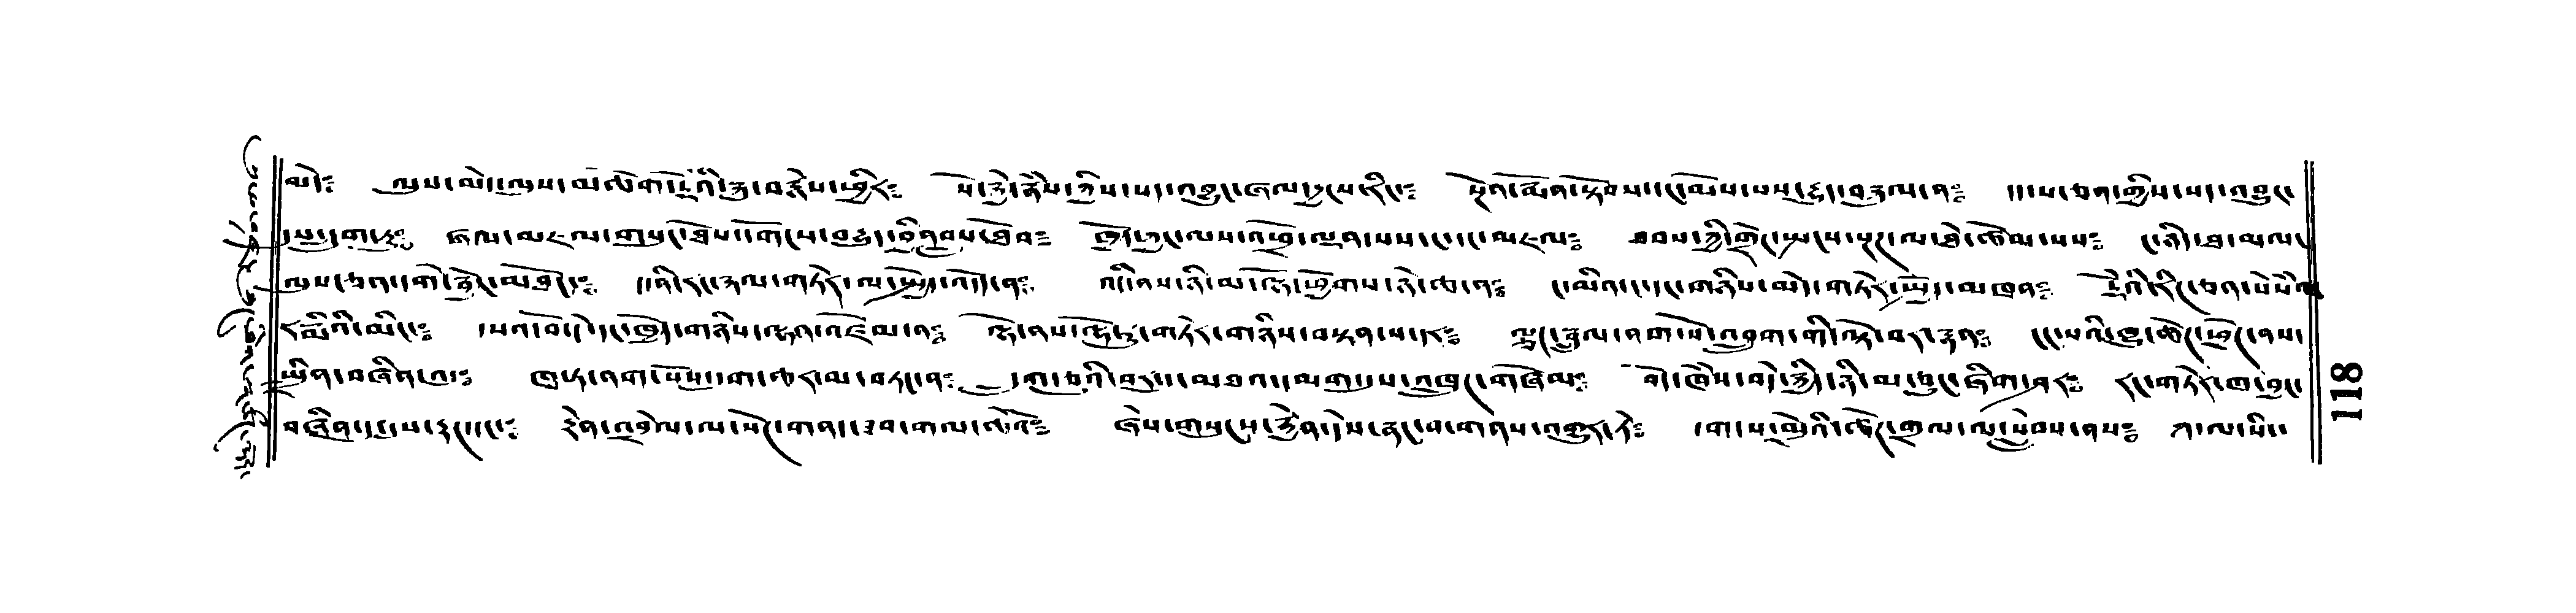མེད༔ ལུས་མེད་ལུས་མཆོག་རྡོ་རྗེའི་སྐུ་བརྙེས་ཕྱིར༔ སོ་སྐྱེ་རྣམས་ཀྱིས་པད་འབྱུང་ཞལ་རྒྱང་རིང༔ སྔོན་སྨོན་སྟོབས་དང་མོས་པས་རྒྱུད་བསྐུལ་ན༔ དད་པ་ཅན་གྱིས་པད་འབྱུང་
དུས་དྲུག་ཏུ༔ ཞལ་མཇལ་གསུང་ཐོས་དགོངས་བརྒྱུད་བྱིན་རླབས་ཐོབ༔ ཁྱོད་ཀྱང་ལས་འཕྲོ་ལྡན་པས་ང་དང་མཇལ༔ ཐབས་ཀྱི་གྲོགས་སྤངས་སྔགས་ལ་ཐེ་ཚོམ་པས༔ ང་ཉིད་ཐ་མལ་
ལུས་ཅན་དགེ་སྦྱོང་མཐོང༔ ད་ནི་རང་སྐལ་གཏེར་ལ་སྤྱོད་འདོད་ན༔ འདི་ནས་ཉི་མ་ལྷོ་ཕྱོགས་ཉེ་ཆ་ན༔ ང་མིན་ང་དང་གཉིས་མེད་གཏེར་སྤྱོད་མཁན༔ རྡོ་རྗེའི་རིགས་ཅན་སེམས་དཔའ་
རསྨིའི་མིང༔ དཔའ་བོ་དེ་དང་ཁྱོད་གཉིས་ལྷན་འཛོམ་ན༔ ལྷོ་ནས་ལྷོ་རུ་གཏེར་གཉིས་བསྟན་པ་དར༔ལྕགས་སྦྲུལ་ནག་པོ་འབྲུག་གི་ལྟེ་བར་སྙན༔ ངང་པའི་ཁྱུ་ཚོགས་ཕྱོགས་ནས་
སྤྲིན་བཞིན་འདུ༔ ཁ་ཏ་ནག་པོས་དུག་ཆར་མ་བཏང་ན༔ དྲུག་ཅུའི་བར་དུ་མཐའ་དམག་དུས་འཁྲུག་གཞོམ༔ བོད་ཁམས་བདེ་སྐྱིད་ཉི་མ་ཅུང་ཞིག་ཤར༔ རང་གཏེར་ཁ་བྱང་
བཞིན་དུ་དུས་རྟགས་དང༔ རྟེན་འབྲེལ་ལ་སོགས་གནད་ཟབ་གལ་ཆེའོ༔ ཞེས་གསུངས་རྐྱེན་དེས་སྣང་བ་གནས་འགྱུར་ཏེ༔ དག་པ་མཁའ་འགྲོའི་ཚོགས་གྲལ་ལ་སླེབས་ནས༔ ཀ་ལ་པིང་